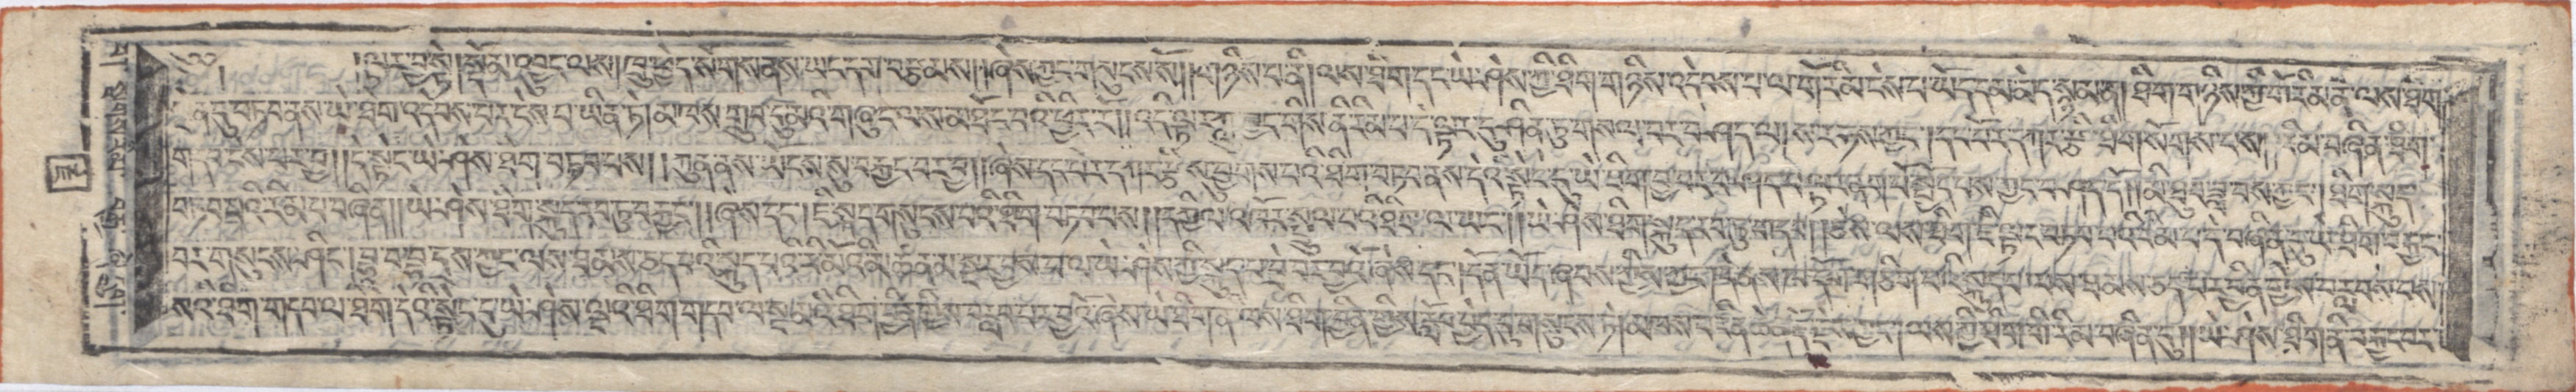༄༅། །ལྟར་བྱ་སྟེ། སྡོམ་འབྱུང་ལས། ཁྲུ་ཕྱེད་སོགས་ནས་ཡང་དག་བརྩམས། །ཞེས་ཀྱང་གསུངས་སོ། །གཉིས་པ་ནི། ལས་ཐིག་དང་ཡེ་ཤེས་ཀྱི་ཐིག་གཉིས་འདེབས་པ་ལ་གོ་རིམ་ངེས་པ་ཡོད་དམ་མེད་སྙམ་ན། ཐིག་གཉིས་ཀྱི་གོ་རིམ་ནི་ལས་ཐིག་
སྔོན་དུ་བཏབ་ནས་ཡེ་ཐིག་འདེབས་པར་ངེས་པ་ཡིན་ཏེ། མཁས་གྲུབ་དུ་མའི་གཞུང་ལས་མཐོང་བའི་ཕྱིར་རོ། །འདི་ལྟར་ཀླུ་བྱང་གིས་ནི་རིམ་པ་དེ་ལྟར་དུ་ཤིན་ཏུ་གསལ་བར་བཤད་ལ། ས་ར་ཧས་ཀྱང་། དང་པོར་དཀར་རྩི་ཐིག་སོགས་པས། །རིམ་བཞིན་ཐིག་
གདབ་ངེས་པར་བྱ། །དེ་སྟེང་ཡེ་ཤེས་ཐིག་བཏབ་པས། །ཀུན་ནས་ཡོངས་སུ་བརྐྱང་བར་བྱ། །ཞེས་དང་པོར་དཀར་རྩིས་བྱུགས་པའི་ཐིག་བཏབ་ནས་དེའི་སྟེང་དུ་ཡེ་ཐིག་བྱ་བར་བཤད་པ་ལྟར་ནག་པོ་སྤྱོད་པས་ཀྱང་བཤད་དོ། །མི་ཐུབ་ཟླ་བས་ཀྱང་། ཐིག་སྐུད་
བཏབ་པའི་རིམ་པ་བཞིན། །ཡེ་ཤེས་ཐིག་སྐུད་རབ་ཏུ་བརྐྱང་། །ཞེས་དང་། ཇི་སྐད་གསུངས་པའི་ཐིག་བཏབ་པས། །དཀྱིལ་འཁོར་སྤྲུལ་པའི་ཐིག་ལ་ཡང་། །ཡེ་ཤེས་ཐིག་སྐུད་རབ་ཏུ་གདབ། །ཅེས་ལས་ཐིག་ཇི་ལྟར་བཏབ་པའི་རིམ་པ་དེ་བཞིན་དུ་ཡེ་ཐིག་བརྐྱང་
བར་གསུངས་ཤིང་། བྷཱ་བ་བྷ་དྲས་ཀྱང་ལས་ཐམས་ཅད་པའི་སྐུད་པའི་རི་མོའི་མཚན་མ་སྔར་བྱས་པ་ལ་ཡེ་ཤེས་ཀྱི་སྐུད་པ་བྲེ་བར་བྱའོ་ཞེས་དང་། དོན་ཡོད་ཞབས་ཀྱིས་ཀྱང་། དེ་ནས་ཁ་དོག་གཅིག་པའི་སྐུད་པ་ལས་ཐམས་ཅད་པར་བྱིན་གྱིས་བརླབས་པས་
སའི་ཐིག་གདབ་ལ་ཐིག་དེའི་སྟེང་དུ་ཡེ་ཤེས་ལྔའི་ཐིག་གདབ་ལ་སྔ་མའི་ཐིག་བྱིན་གྱིས་བརླབ་པར་བྱའོ་ཞེས་ཡེ་ཐིག་ནི་ལས་ཐིག་བྱིན་གྱིས་རློབ་བྱེད་དུ་གསུངས་ཏེ། མཁས་པ་རིན་ཆེན་རྡོ་རྗེས་ཀྱང་། ལས་ཀྱི་ཐིག་གི་རིམ་བཞིན་དུ། །ཡེ་ཤེས་ཐིག་ནི་བརྐྱང་བར་